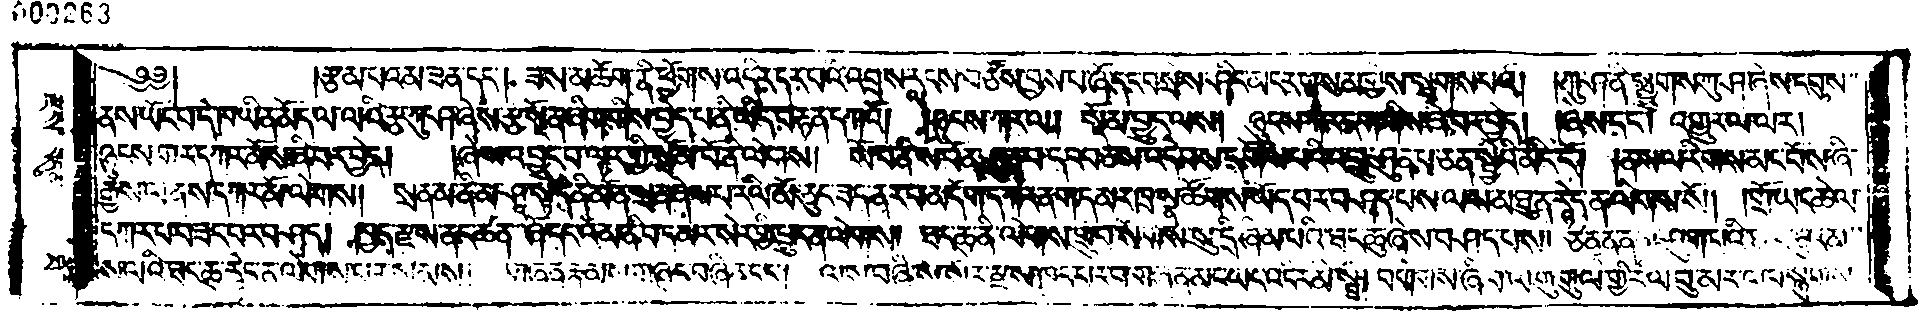༄༅། །རྩམ་པའམ་ཟན་དང་། ཟས་མཆོག་ནི་ཕྱོགས་འདིར་དར་བའི་འབྲས་རླངས་བཙོས་བྱས་པ་ཞོ་དང་བསྲེས་ཤིང་མངར་གསུམ་གྱིས་སྦགས་པའོ། །ཀུ་ཤ་ནི་སྨྱུགས་ཀུ་ཤ་ཞེས་དབུས་
ནས་ཡོང་བ་དེ་ཁ་ཡིན་མོད་ལ་ལའི་རྩ་ཀུ་ཤ་ཞེས་རྩ་སྔོན་ཞིག་གིས་བྱེད་པ་ནི་ཡིད་བརྟན་དཀའོ། །ཉུངས་ཀར་ལ། སྡོམ་བྱུང་ལས། ཉུངས་ཀར་དག་གིས་ཞི་བར་བྱེད། །ཞེས་དང་། འགྱུར་ལ་ལར།
ཉུངས་གར་དཀར་མོས་ཞི་བར་བྱེད། །ཞེས་འབྱུང་བ་ལྟར་གྱི་སྦོམ་པོ་ནི་ལེགས། སོ་བ་ནི་ས་བོན་ཤུན་པ་དང་བཅས་འདེབས་དགོས་པའི་འབྲུ་ཤུན་པ་ཅན་སྤྱིའི་མིང་ངོ། །ནས་ལ་རིགས་མང་བོས་ཞི་
རྒྱས་ལ་ནས་དཀར་མོ་ལེགས། སྲན་མ་ནི་མ་ཤཱ་སྟེ་དེ་ནི་མོ་ན་སྲན་ཞེས་པ་རིལ་མོ་ཅུང་ཟད་ནར་བ་མདོག་དཀར་ནག་དམར་ཁྲ་སྣ་ཚོགས་ཡོད་པར་བཤད་པས་ལས་མཐུན་རྙེད་ན་ལེགས་སོ། །གྲོ་ཡང་ཆེལ་
དཀར་པ་བཟང་བར་བཤད། ཁྱད་རྫས་ནང་ཚན་ཞོ་དང་འོ་མ་ནི་བ་དམར་སེར་གྱི་བྱུང་ན་ལེགས། ཐང་ཆུ་ནི་ལེགས་གྲུབ་སོགས་སུ་དྲི་ཞིམ་པའི་ཐང་ཆུ་ཞེས་བཤད་པས། ཙནྡན་ནམ་ཤུག་པའི་ཐང་ཆུ་འམ་
ས་ལའི་ཐང་ཆུ་རྙེད་ན་ལེགས་པར་སེམས། གཞན་རྣམས་གཞུང་བཞིན་དང་། ལས་བཞི་སོ་སོར་རྫས་ཁྱད་པར་བ་གཞན་མང་ཡང་འདིར་མི་སྤྲོ། བགེགས་ཞི་བ་ལ་གུ་གུལ་གྱི་རིལ་བུ་མར་ལ་བསྙུགས་